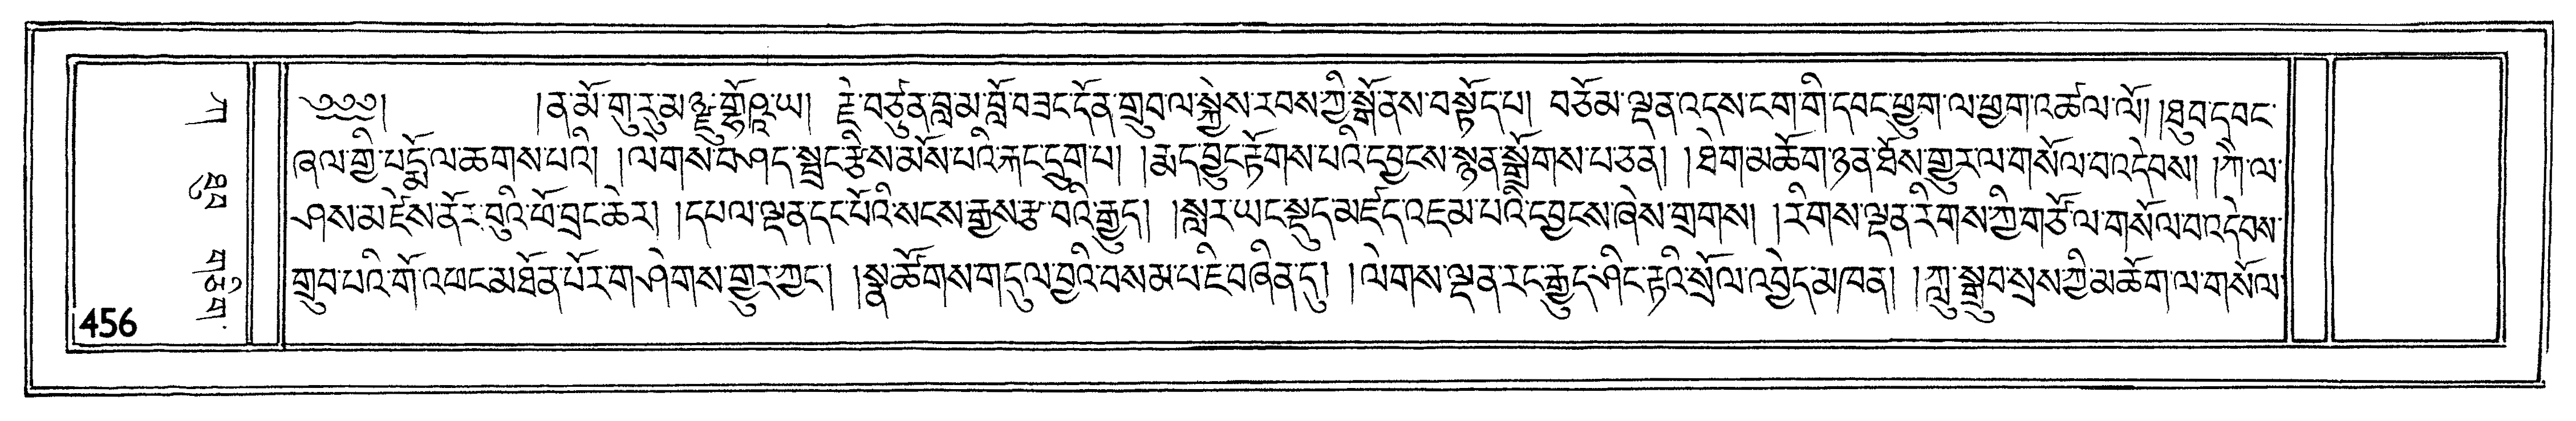༄༅༅། །ན་མོ་གུ་རུ་མཉྫུ་གྷོ་ཥཱ་ཡ། རྗེ་བཙུན་བླ་མ་བློ་བཟང་དོན་གྲུབ་ལ་སྐྱེས་རབས་ཀྱི་སྒོ་ནས་བསྟོད་པ། བཅོམ་ལྡན་འདས་ངག་གི་དབང་ཕྱུག་ལ་ཕྱག་འཚལ་ལོ། །ཐུབ་དབང་
ཞལ་གྱི་པདམོ་ལ་ཆགས་པའི། །ལེགས་བཤད་སྦྲང་རྩིས་མོས་པའི་རྐང་དྲུག་པ། །རྨད་བྱུང་རྟོགས་པའི་དབྱངས་སྙན་སྒྲོགས་པ་ཅན། །ཐེག་མཆོག་ཉན་ཐོས་གྱུར་ལ་གསོལ་བ་འདེབས། །ཀཻ་ལ་
ཤས་མཛེས་ནོར་བུའི་ཕོ་བྲང་ཆེར། །དཔལ་ལྡན་དང་པོའི་སངས་རྒྱས་རྩ་བའི་རྒྱུད། །སླར་ཡང་སྡུད་མཛད་འཇམའི་དབྱངས་ཞེས་གྲགས། །རིགས་ལྡན་རིགས་ཀྱི་གཙོ་ལ་གསོལ་བ་འདེབས་
གྲུབ་པའི་གོ་འཕང་མཐོན་པོར་གཤེགས་གྱུར་ཀྱང་། །སྣ་ཚོགས་གདུལ་བྱའི་བསམ་པ་ཇི་བཞིན་དུ། །ལེགས་ལྡན་རང་རྒྱུད་ཤ་ཨིང་རྟའི་སྲོལ་འབྱེད་མཁན། །ཀླུ་སྒྲུབ་སྲས་ཀྱི་མཆོག་ལ་གསོལ་